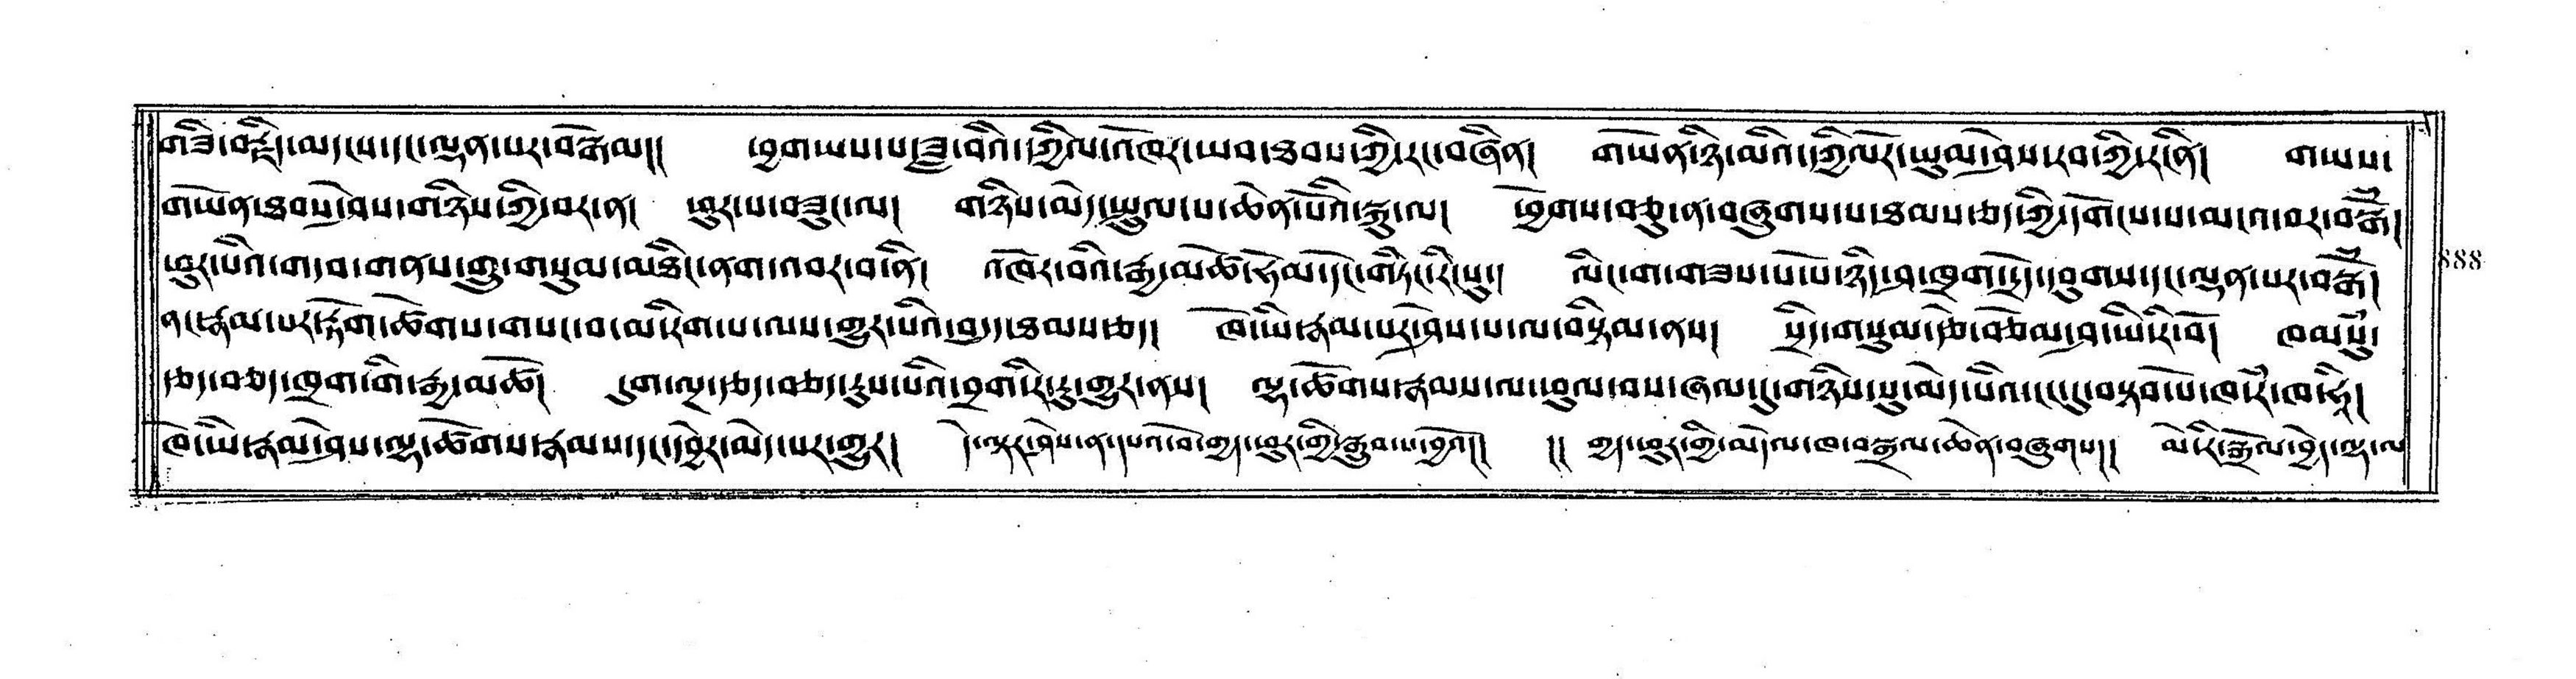གཟི་བརྗིད་མདངས་དང་ལྡན་པར་བསྒོམ། ཕྱག་གཡས་པ་ཟླ་བའི་དཀྱིལ་འཁོར་ཡབ་ཐབས་ཀྱི་རང་བཞིན། གཡོན་ཉི་མའི་དཀྱིལ་འཁོར་ཡུམ་ཤེས་རབ་ཀྱི་རང་བཞིན། གཡས་
གཡོན་ཐབས་ཤེས་གཉིས་ཀྱི་བར་ན། ཕུར་པ་བཟུང་ལ།། གཉིས་མེད་སྤྲུལ་པ་ཆེན་པོའི་སྐུ་ལ། ཕྱོགས་བཅུ་ན་བཞུགས་པ་ཐམས་ཅད་ཀྱི་དགོངས་པ་མངའ་བར་བསྒོམ། 
ཕུར་པའི་གདབ་གནས་གྲུ་གསུམ་མཐིང་ནག་འབར་བ་ནི། འཁོར་བའི་རྒྱ་མཚོ་ཧོམ་དེང་གཏིང་རིངས་སུ། ལིང་ག་གཟས་པ་པོ་ཉིད་ཤ་ཁྲག་དྲོད་དབུགས་དང་ལྡན་པར་བསྒོམ། 
ནང་རྣམ་པར་རྟོག་ཚོགས་གསང་བ་མ་རིག་པ་ལས་གྱུར་པའི་བདུད་ཐམས་ཅད། ཁོ་ཡི་རྣམ་པར་ཤེས་པ་ལ་བསྟིམ་ནས། སྲིད་གསུམ་རྩེ་བཅོམ་ཤ་ཡི་རི་བོ། ཁམས་གསུམ་
རྩད་བཅད་ཁྲག་གི་རྒྱ་མཚོ། དུག་ལྔ་རྩད་བཅད་རུས་པའི་བྲག་རི་ཏུ་{1145}གྱུར་ནས། ལྷ་ཚོགས་རྣམས་ལ་ཕུལ་བས་ཞལ་དུ་གཉིས་སུ་མེད་པའི་ངང་དུ་བསྟབ་པོ་ཁ་རཾ་ཁ་ཧཱི། 
ཁོ་ཡི་རྣམ་ཤེས་ལྷ་ཚོགས་རྣམས་དང་དབྱེར་མེད་པར་གྱུར། དེ་ལྟར་ཤེས་ན་དཔའ་བོ་གྱད་ཕུར་གྱི་སྒྲུབ་པ་བྱའོ།། །།གྱད་ཕུར་གྱི་མདེལ་ཁ་བསྒྲལ་ཆེན་བཞུགས།། མེ་རི་སྒྲོལ་བྱེད་ལྷ་ལ་